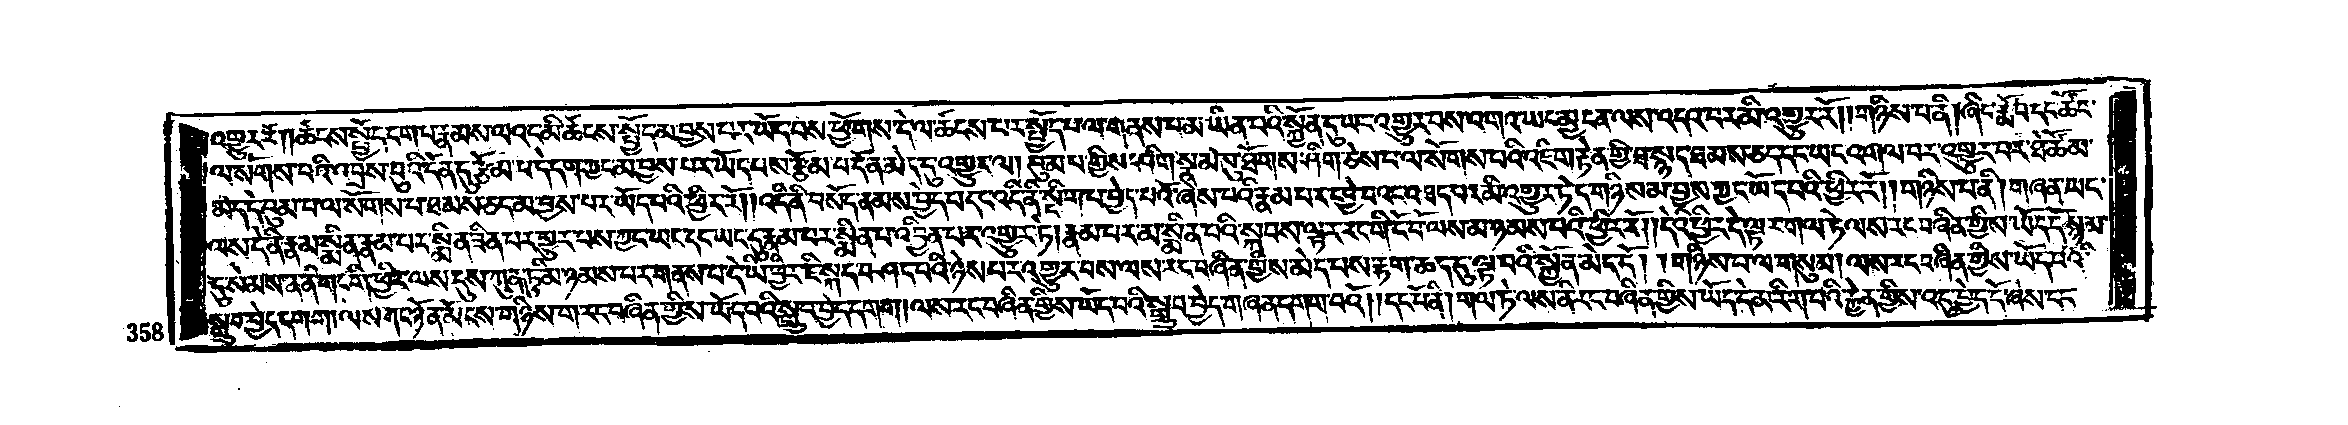འགྱུར་རོ། །ཚངས་སྤྱོད་དག་པ་རྣམས་ལའང་མི་ཚངས་སྤྱོད་མ་བྱས་པར་ཡོད་པས་ཕྱོགས་དེ་ལ་ཚངས་པར་སྤྱོད་པ་ལ་གནས་པ་མ་ཡིན་པའི་སྐྱོན་དུ་ཡང་འགྱུར་བས་འགའ་ཡང་མྱ་ངན་ལས་འདའ་བར་མི་འགྱུར་རོ། །གཉིས་པ་ནི། ཞིང་རྨོབ་དང་ཚོང་
ལ་སོགས་པའི་འབྲས་བུའི་དོན་དུ་རྩོམ་པ་དེ་དག་ཀྱང་མ་བྱས་པར་ཡོད་པས་རྩོམ་པ་དོན་མེད་དུ་འགྱུར་ལ། བུམ་པ་གྱིས་ཤིག་སྣམ་བུ་ཐོགས་ཤིག་ཅེས་པ་ལ་སོགས་པའི་འཇིག་རྟེན་གྱི་ཐ་སྙད་ཐམས་ཅད་དང་ཡང་འགལ་བར་འགྱུར་བར་ཐེ་ཚོམ་
མེད་དེ་བུམ་པ་ལ་སོགས་པ་ཐམས་ཅད་མ་བྱས་པར་ཡོད་པའི་ཕྱིར་རོ། །འདི་ནི་བསོད་ནམས་བྱེད་པ་དང་འདི་ནི་སྡིག་པ་བྱེད་པའོ་ཞེས་པའི་རྣམ་པར་དབྱེ་བའང་འཐད་པར་མི་འགྱུར་ཏེ་ད་གཉིས་མ་བྱས་ཀྱང་ཡོད་པའི་ཕྱིར་རོ། །གཉིས་པ་ནི། གཞན་ཡང་
ལས་དེ་ནི་རྣམ་སྨིན་རྣམ་པར་སྨིན་ཟིན་པར་གྱུར་པས་ཀྱང་ཡང་དང་ཡང་དུ་རྣམ་པར་སྨིན་པ་འབྱིན་པར་འགྱུར་ཏེ། རྣམ་པར་མ་སྨིན་པའི་སྐབས་ལྟར་རང་གི་ངོ་བོ་ལས་མ་ཉམས་པའི་ཕྱིར་རོ། །དེའི་ཕྱིར་དེ་ལྟར་གལ་ཏེ་ལས་རང་བཞིན་གྱིས་ཡོད་དོ་སྙམ་
དུ་སེམས་ན་ནི་གང་གི་ཕྱིར་ལས་དུས་ཀུན་ཏུ་མི་ཉམས་པར་གནས་པ་དེ་ཡི་ཕྱིར་ཇི་སྐད་བཤད་པའི་ཉེས་པར་འགྱུར་བས་ལས་རང་བཞིན་གྱིས་མེད་པས་རྟག་ཆད་དུ་ལྟ་བའི་སྐྱོན་མེད་དོ། །གཉིས་པ་ལ་གསུམ། ལས་རང་བཞིན་གྱིས་ཡོད་པའི་
སྒྲུབ་བྱེད་དགག །ལས་དང་ཉོན་མོངས་གཉིས་ག་རང་བཞིན་གྱིས་ཡོད་པའི་སྒྲུབ་བྱེད་དགག །ལས་རང་བཞིན་གྱིས་ཡོད་པའི་སྒྲུབ་བྱེད་གཞན་དགག་པའོ། །དང་པོ་ནི། གལ་ཏེ་ལས་ནི་རང་བཞིན་གྱིས་ཡོད་དེ་མ་རིག་པའི་རྐྱེན་གྱིས་འདུ་བྱེད་དོ་ཞེས་དང་